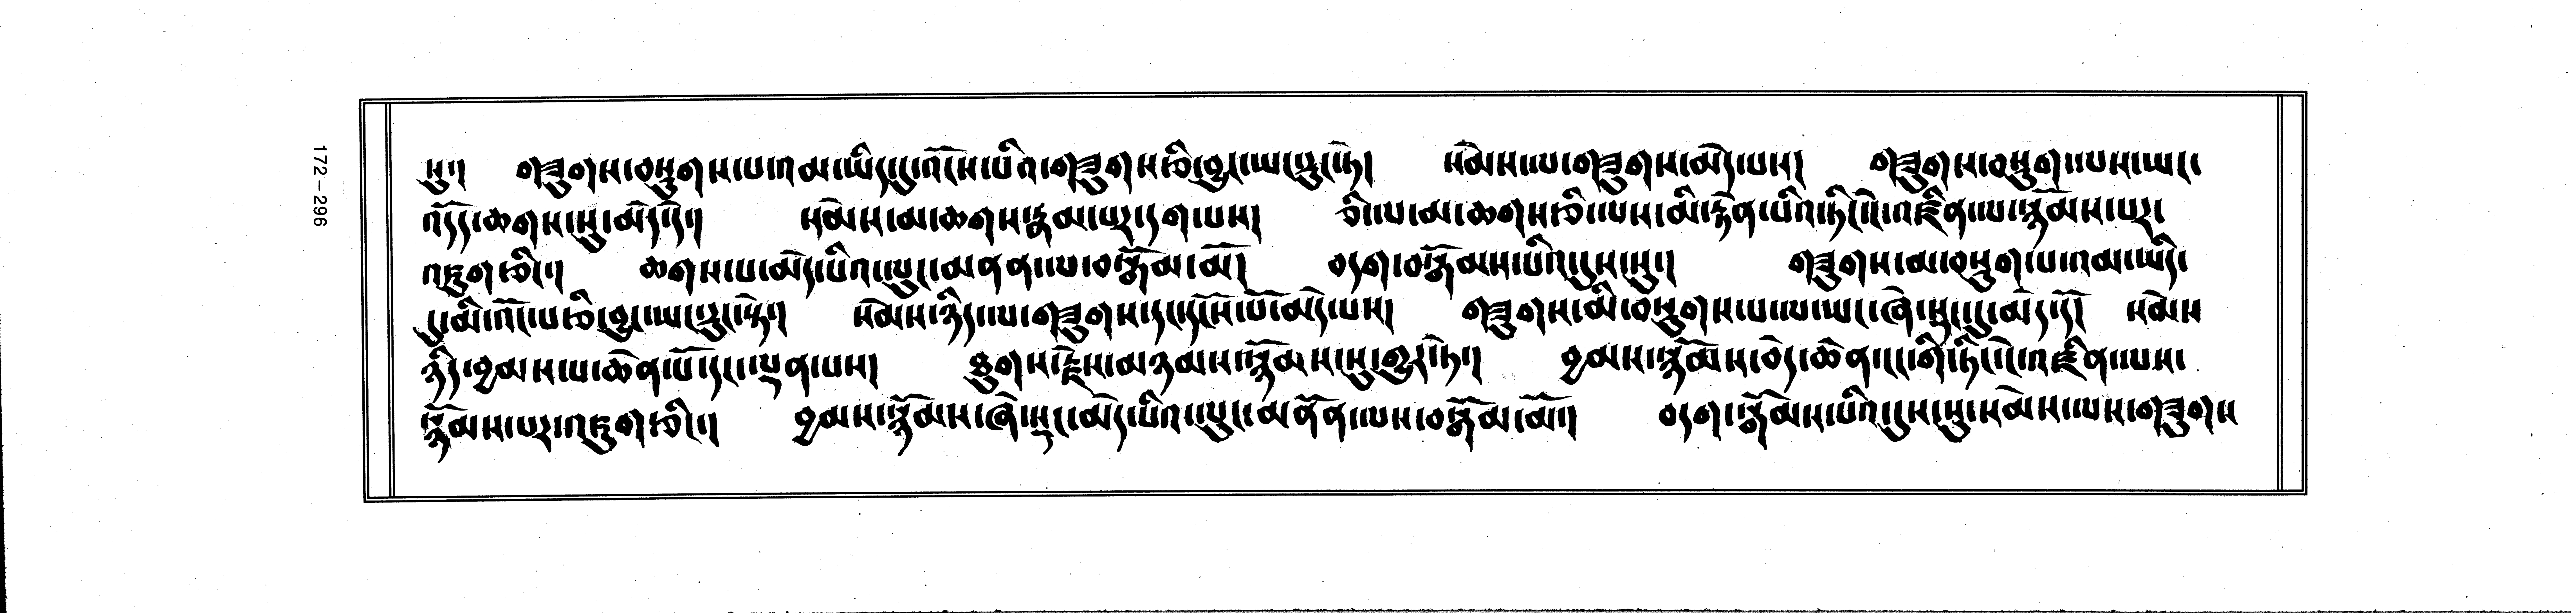གཟུགས་ལྡུག་པ་འམ་ཡིད་དུ་འོངས་པའི་གཟུགས་ཅི་བྱུང་ཡང་རུང་ཏེ། སེམས་ལ་གཟུགས་མེད་པས། གཟུགས་ལྡུག་ལས་ཡང་
འདོད་ཆགས་སུ་མེད་དེ། སེམས་མ་ཆགས་རྣམ་པར་དག་པས། ཅི་ལག་མ་ཆགས་ཅི་ལས་མི་རྟེན་པའི་ཏིང་ངེ་འཛིན་ལ་སྙོམས་པར་
འཇུག་ཅིང་། ཆགས་པ་མེད་པའི་ལུང་མནན་ལ་བསྒོམ་མོ། བདག་བསྒོམས་པའི་དུས་སུ། གཟུགས་མི་སྡུག་པ་འམ་ཡིད་
དུ་མི་འོང་པ་ཅི་བྱུང་ཡང་རུང་སྟེ། སེམས་ཉིད་ལ་གཟུགས་དང་དངོས་པོ་མེད་པས། གཟུགས་མི་སྡུག་པ་ལ་ཡང་ཞེ་སྡང་དུ་མེད་དོ། སེམས་
ཉིད་བྱམས་པ་ཆེན་པོ་དང་ལྡན་པས། ཐུགས་རྗེས་མཉམས་སྙོམས་སུ་གྱུར་ཏེ། བྱམས་སྙོམས་བདེ་ཆེན་ངང་གི་ཏིང་ངེ་འཛིན་ལས་
སྙོམས་པར་འཇུག་ཅིང་། བྱམས་སྙོམས་ཞེ་སྡང་མེད་པའི་ལུང་མནོན་ལས་བསྒོམ་མོ། བདག་སྒོམ་པའི་དུས་སུ་སེམས་ལས་གཟུགས་